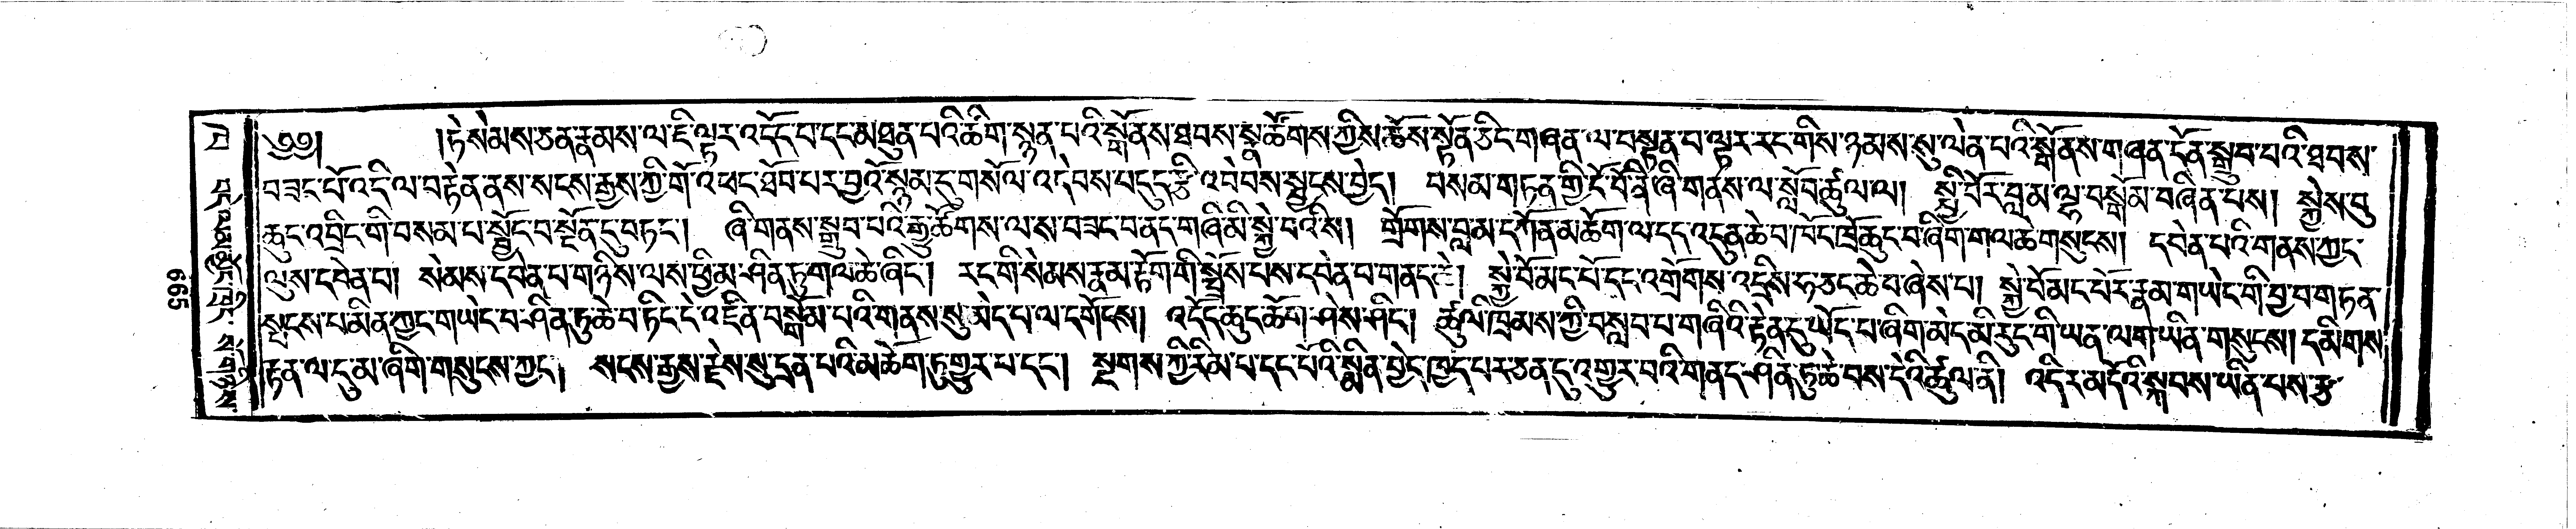༄༅། །ཏེ་སེམས་ཅན་རྣམས་ལ་ཇི་ལྟར་འདོད་པ་དང་མཐུན་པའི་ཚིག་སྙན་པའི་སྒོ་ནས་ཐབས་སྣ་ཚོགས་ཀྱིས་ཆོས་སྟོན་ཅིང་གཞན་ལ་བསྟན་པ་ལྟར་རང་གིས་ཉམས་སུ་ལེན་པའི་སྒོ་ནས་གཞན་དོན་སྒྲུབ་པའི་ཐབས་
བཟང་པོ་འདི་ལ་བརྟེན་ནས་སངས་རྒྱས་ཀྱི་གོ་འཕང་ཐོབ་པར་བྱའོ་སྙམ་དུ་གསོལ་འདེབས་བདུད་རྩི་འབེབས་སྦྱངས་བྱེད། བསམ་གཏན་གྱི་ངོ་བོ་ནི་ཞི་གནས་ལ་སློབ་ཚུལ་ལ། སྤྱི་བོར་བླ་མ་ལྷ་བསྒོམ་བཞིན་པས། སྐྱེས་བུ་
ཆུང་འབྲིང་གི་བསམ་པ་སྦྱོང་བ་སྔོན་དུ་བཏང་། ཞི་གནས་སྒྲུབ་པའི་རྒྱུ་ཚོགས་ལ་ས་བཟང་བ་ནད་གཞི་མི་སྐྱེ་བའི་ས། གྲོགས་བླ་མ་དཀོན་མཆོག་ལ་དད་འདུན་ཆེ་བ་ཁོང་ཁྲོ་ཆུང་བ་ཞིག་གལ་ཆེ་གསུངས། དབེན་པའི་གནས་ཀྱང་
ལུས་དབེན་པ། སེམས་དབེན་པ་གཉིས་ལས་ཕྱི་མ་ཤིན་ཏུ་གལ་ཆེ་ཞིང་། རང་གི་སེམས་རྣམ་རྟོག་གི་སྤྲོས་པས་དབེན་བ་གནད་ཆེ། སྐྱེ་བོ་མང་པོ་དང་འགྲོགས་འདྲིས་ཧ་ཅང་ཆེ་བ་ཞེས་པ། སྐྱེ་བོ་མང་པོར་རྣམ་གཡེང་གི་བྱ་བ་གཏན་
སྤངས་པ་མིན་ཀྱང་གཡེང་བ་ཤིན་ཏུ་ཆེ་བ་ཏིང་ངེ་འཛིན་བསྒོམ་པའི་གནས་སུ་མེད་པ་ལ་དགོངས། འདོད་ཆུང་ཆོག་ཤེས་ཤིང་། ཚུལ་ཁྲིམས་ཀྱི་བསླབ་པ་གཞིའི་རྟེན་དུ་ཡོད་པ་ཞིག་མེད་མི་རུང་གི་ཡན་ལག་ཡིན་གསུངས། དམིགས་
རྟན་ལ་དུ་མ་ཞིག་གསུངས་ཀྱང་། སངས་རྒྱས་རྗེས་སུ་དྲན་པའི་མཆོག་ཏུ་གྱུར་པ་དང་། སྔགས་ཀྱི་རིམ་པ་དང་པོའི་སྨིན་བྱེད་ཁྱད་པར་ཅན་དུ་འགྱུར་བའི་གནད་ཤིན་ཏུ་ཆེ་བས་དེའི་ཚུལ་ནི། འདིར་མདོའི་སྐབས་ཡིན་པས་རྩ་